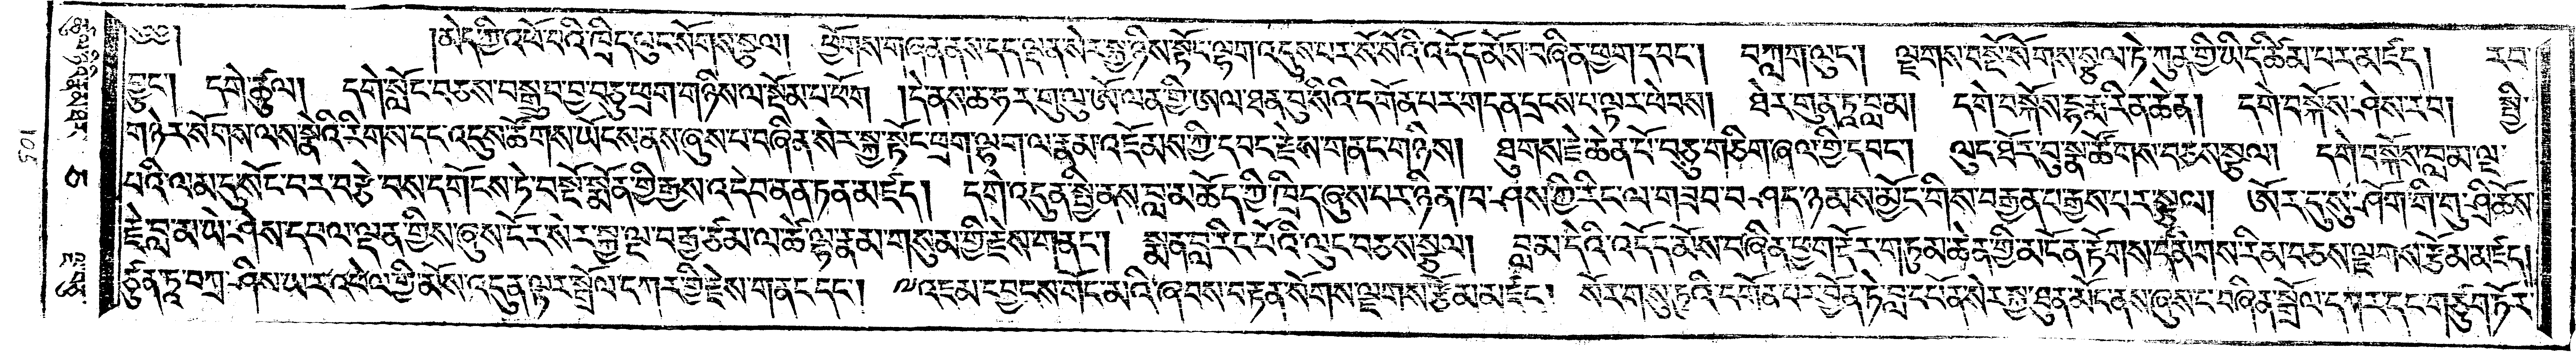༄༅། །མེད་ཀྱི་འཕོ་བའི་ཁྲིད་ལུང་སོགས་སྩལ། ཕྱོགས་གཞན་ནས་དད་ལྡན་སེར་སྐྱ་ཉིས་སྟོང་ལྷག་འདུས་པར་སོ་སོའི་འདོད་མོས་བཞིན་ཕྱག་དབང་། བཀླག་ལུང་། ལྗགས་བསྔོ་སོགས་སྩལ་ཏེ་ཀུན་གྱི་ཡིད་ཚིམ་པར་མཛད། རབ་
བྱུང་། དགེ་ཚུལ། དགེ་སློང་བཅས་བསྒྲུབ་བྱ་བཅུ་ཕྲག་གཉིས་ལ་སྡོམ་བ་ཕོག །དེ་ནས་ཆ་ཧར་གུ་ལུ་ཨོ་ལན་གྱི་ཨལ་ཐན་བུ་སིའི་དགོན་པར་གདན་དྲངས་པ་ལྟར་ཕེབས། ཐེར་གུན་ཏཱ་བླ་མ། དགེ་བསྐོས་དྷརྨ་རིན་ཆེན། དགེ་བསྐོས་ཤེས་རབ། སྤྱི་
གཉེར་སོགས་ལས་སྣེའི་རིགས་དང་འདུས་ཚོགས་ཡོངས་ནས་ཞུས་པ་བཞིན་སེར་སྐྱ་སྟོང་ཕྲག་ལྷག་ལ་རྣམ་འཇོམས་ཀྱི་དབང་རྗེས་གནང་གཉིས། ཐུགས་རྗེ་ཆེན་པོ་བཅུ་གཅིག་ཞལ་གྱི་དབང་། ལུང་ཐོར་བུ་སྣ་ཚོགས་བཅས་སྩལ། དགེ་བསྐོས་བླ་མ་ལྔ་
བའི་ལམ་དུ་སོང་བར་བརྩེ་བས་དགོངས་ཏེ་བསྔོ་སྨོན་གྱི་རྒྱས་འདེབ་ནན་ཏན་མཛད། དགེ་འདུན་སྤྱི་ནས་བླ་མཆོད་ཀྱི་ཁྲིད་ཞུས་པར་ཉིན་ཁ་ཤས་ཀྱི་རིང་ལ་གཟབ་བཤད་ཉམས་མྱོང་གིས་བརྒྱན་པ་རྒྱས་པར་སྩལ། ཨོར་དུ་སུ་ཤོག་གི་གུ་ཤྲི་ཆོས་
རྗེ་བླ་མ་ཡེ་ཤེས་དབལ་ལྡན་གྱིས་ཞུས་ངོར་སེར་སྐྱ་ལྔ་བརྒྱ་ཙམ་ལ་ཚེ་ལྷ་རྣམ་གསུམ་གྱི་རྗེས་གནང་། སྨན་བླ་རིང་པོའི་ལུང་བཅས་སྩལ། བླ་མ་དེའི་འདོད་མོས་བཞིན་ཕྱག་རྡོར་གཏུམ་ཆེན་གྱི་མངོན་རྟོགས་དམིགས་རིམ་བཅས་ལྗགས་རྩོམ་མཛད།
ཙུན་ཏཱ་བཀྲ་ཤིས་ཡར་འཕེལ་གྱི་མོས་འདུན་ལྟར་སྒྲོལ་དཀར་གྱི་རྗེས་གནང་དང་། ༧འཇམ་དབྱངས་གོང་མའི་ཞབས་བརྟན་སོགས་ལྗགས་རྩོམ་མཛད། སོར་ག་སུ་ཏུའི་དགོན་པར་བྱོན་ཏེ་ཟླ་དཔོན་སེར་སྐྱ་ཐུན་མོང་ནས་ཞུས་པ་བཞིན་སྒྲོལ་དཀར་དང་གཙུག་ཏོར་